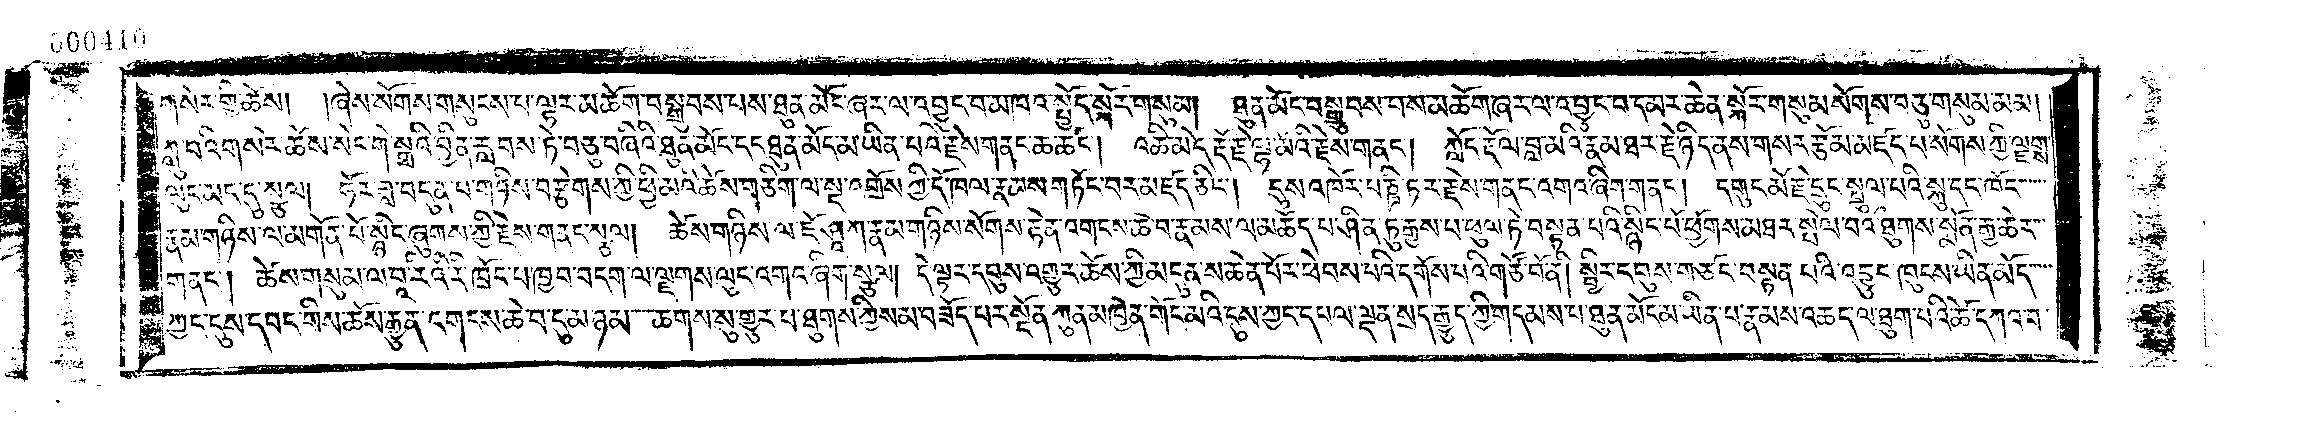གསེར་གྱི་ཆོས། །ཞེས་སོགས་གསུངས་པ་ལྟར་མཆོག་བསྒྲུབས་པས་ཐུན་མོང་ཞར་ལ་འབྱུང་བ་མཁའ་སྤྱོད་སྐོར་གསུམ། ཐུན་མོང་བསྒྲུབས་པས་མཆོག་ཞར་ལ་འབྱུང་བ་དམར་ཆེན་སྐོར་གསུམ་སོགས་བཅུ་གསུམ་མམ།
ཀླུ་བའི་གསེར་ཆོས་སེང་གེ་སྒྲའི་ཕྱིན་རླབས་ཏེ་བཅུ་བཞིའི་ཐུན་མོང་དང་ཐུན་མོང་མ་ཡིན་པའི་རྗེས་གནང་ཆ་ཚང་། འཆི་མེད་རྡོ་རྗེ་ལྷ་མོའི་རྗེས་གནང་། ཀློང་རྡོལ་བླ་མའི་རྣམ་ཐར་རྗེ་ཉིད་ནས་གསར་རྩོམ་མཛད་པ་སོགས་ཀྱི་ལྗགས་
ལུང་མང་དུ་སྩལ། ཧོར་ཟླ་བདུན་པ་གཉིས་བརྩེགས་ཀྱི་ཕྱི་མའི་ཚེས་གཅིག་ལ་སྔ་འགྲོས་ཀྱི་དོ་ཁལ་རྣམས་གཏོང་བར་མཛད་ཅིང་། དུས་འཁོར་པཎྜི་ཏར་རྗེས་གནང་འགའ་ཞིག་གནང་། དགུང་མོ་རྗེ་དྲུང་སྤྲུལ་པའི་སྐུ་དང་ཁོང་
རྣམ་གཉིས་ལ་མགོན་པོ་སྙིང་ཞུགས་ཀྱི་རྗེས་གནང་སྩལ། ཚེས་གཉིས་ལ་ཇོ་ཤཱཀ་རྣམ་གཉིས་སོགས་རྟེན་འགངས་ཆེ་བ་རྣམས་ལ་མཆོད་པ་ཤིན་ཏུ་རྒྱས་པ་ཕུལ་ཏེ་བསྟན་པའི་སྙིང་པོ་ཕྱོགས་མཐར་སྤེལ་བའི་ཐུགས་སྨོན་རྒྱ་ཆེར་
གནང་། ཚེས་གསུམ་ལ་བཱ་རིའི་རི་ཁྲོད་པ་ཁྱབ་བདག་ལ་ལྗགས་ལུང་འགའ་ཞིག་སྩལ། དེ་ལྟར་དབུས་འགྱུར་ཆོས་ཀྱི་མདུན་ས་ཆེན་པོར་ཕེབས་པའི་དགོས་པའི་གཙོ་བོ་ནི། སྤྱིར་དབུས་གཙང་བསྟན་པའི་འབྱུང་ཁུངས་ཡིན་མོད་
ཁྱབ་དུས་དབང་རིས་ཆོས་རྒྱུན་འགངས་ཆེ་བ་དུ་མ་ཉམས་ཆགས་སུ་གྱུར་པ་ཐུགས་ཀྱིས་མ་བཟོད་པར་སྔོན་ཀུན་མཁྱེན་གོང་མའི་དུས་ཀྱང་དཔལ་ལྡན་སྲད་རྒྱུད་ཀྱི་གདམས་པ་ཐུན་མོང་མ་ཡིན་པ་རྣམས་འཆད་ལ་ཐུག་པའི་ཚེ་དཀའ་བ་